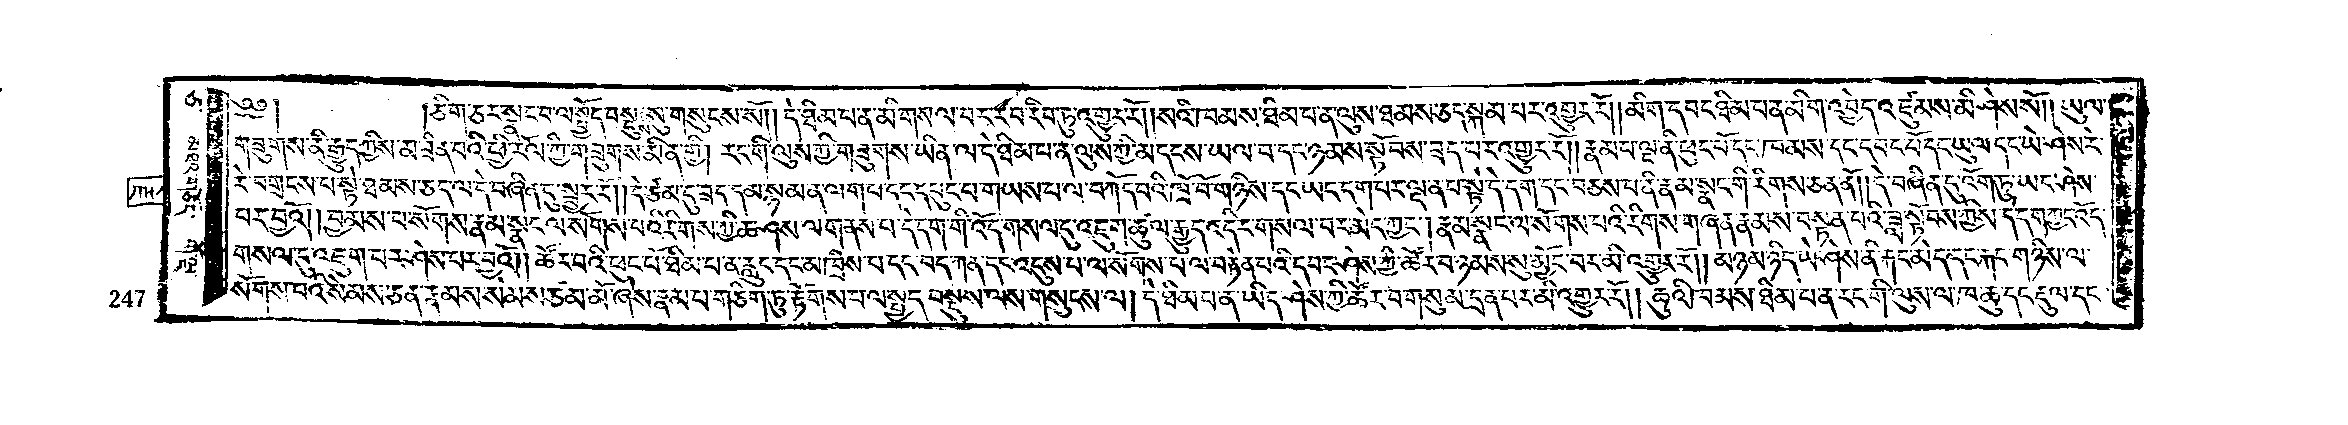༄༅། །ཅིག་ཅར་སྣང་བ་ལ་སྤྱོད་བསྡུས་སུ་གསུངས་སོ། །དེ་ཐིམ་པ་ན་མི་གསལ་བར་རབ་རིབ་ཏུ་འགྱུར་རོ། །སའི་ཁམས་ཐིམ་པ་ན་ལུས་ཐམས་ཅད་སྐམ་པར་འགྱུར་རོ། །མིག་དབང་ཐིམ་པ་ན་མིག་འབྱེད་འཛུམས་མི་ཤེས་སོ། །ཡུལ་
གཟུགས་ནི་རྒྱུད་ཀྱིས་མ་ཟིན་པའི་ཕྱི་རོལ་གྱི་གཟུགས་མིན་གྱི། རང་གི་ལུས་ཀྱི་གཟུགས་ཡིན་ལ་དེ་ཐིམ་པ་ན་ལུས་ཀྱི་མདངས་ཡལ་བ་དང་ཉམས་སྟོབས་ཟད་པར་འགྱུར་རོ། །རྣམ་པ་ལྔ་ནི་ཕུང་པོ་དང་ཁམས་དང་དབང་པོ་དང་ཡུལ་དང་ཡེ་ཤེས་རེ་
རེ་བགྲངས་པ་སྟེ་ཐམས་ཅད་ལ་དེ་བཞིན་དུ་སྦྱར་རོ། །དེ་ཙམ་དུ་ཟད་དམ་སྙམ་ན་ལག་པ་དང་དཔུང་པ་གཡས་པ་ལ་བཀོད་པའི་ཁྲོ་བོ་གཉིས་དང་ཡང་དག་པར་ལྡན་པ་སྟེ་དེ་དག་དང་བཅས་པ་ནི་རྣམ་སྣང་གི་རིགས་ཅན་ནོ། །དེ་བཞིན་དུ་འོག་ཏུ་ཡང་ཤེས་
པར་བྱའོ། །བྱམས་པ་སོགས་རྣམ་སྣང་ལ་སོགས་པའི་རིགས་ཀྱི་ཆ་ཤས་ལ་གནས་པ་དེ་དག་གི་འོད་གསལ་དུ་འཇུག་ཚུལ་རྒྱུད་འདིར་གསལ་བར་མེད་ཀྱང་། རྣམ་སྣང་ལ་སོགས་པའི་རིགས་གཞན་རྣམས་བསྟན་པའི་ཟླ་སྟོབས་ཀྱིས་དེ་དག་ཀྱང་འོད་
གསལ་དུ་འཇུག་པར་ཤེས་པར་བྱའོ། །ཚོར་བའི་ཕུང་པོ་ཐིམ་པ་ན་རླུང་དང་མཁྲིས་པ་དང་བད་ཀན་དང་འདུས་པ་ལ་སོགས་པ་ལ་བརྟེན་པའི་དབང་ཤེས་ཀྱི་ཚོར་བ་ཉམས་སུ་མྱོང་བར་མི་འགྱུར་རོ། །མཉམ་ཉིད་ཡེ་ཤེས་ནི་རྐང་མེད་དང་རྐང་གཉིས་ལ་
སོགས་པའི་སེམས་ཅན་རྣམས་སེམས་ཙམ་མོ་ཞེས་རྣམ་པ་གཅིག་ཏུ་རྟོགས་པ་ལ་སྤྱོད་བསྡུས་ལས་གསུངས་ལ། དེ་ཐིམ་པ་ན་ཡིད་ཤེས་ཀྱི་ཚོར་བ་གསུམ་དྲན་པར་མི་འགྱུར་རོ། །ཆུའི་ཁམས་ཐིམ་པ་ན་རང་གི་ལུས་ལ་ཁ་ཆུ་དང་རྡུལ་དང་